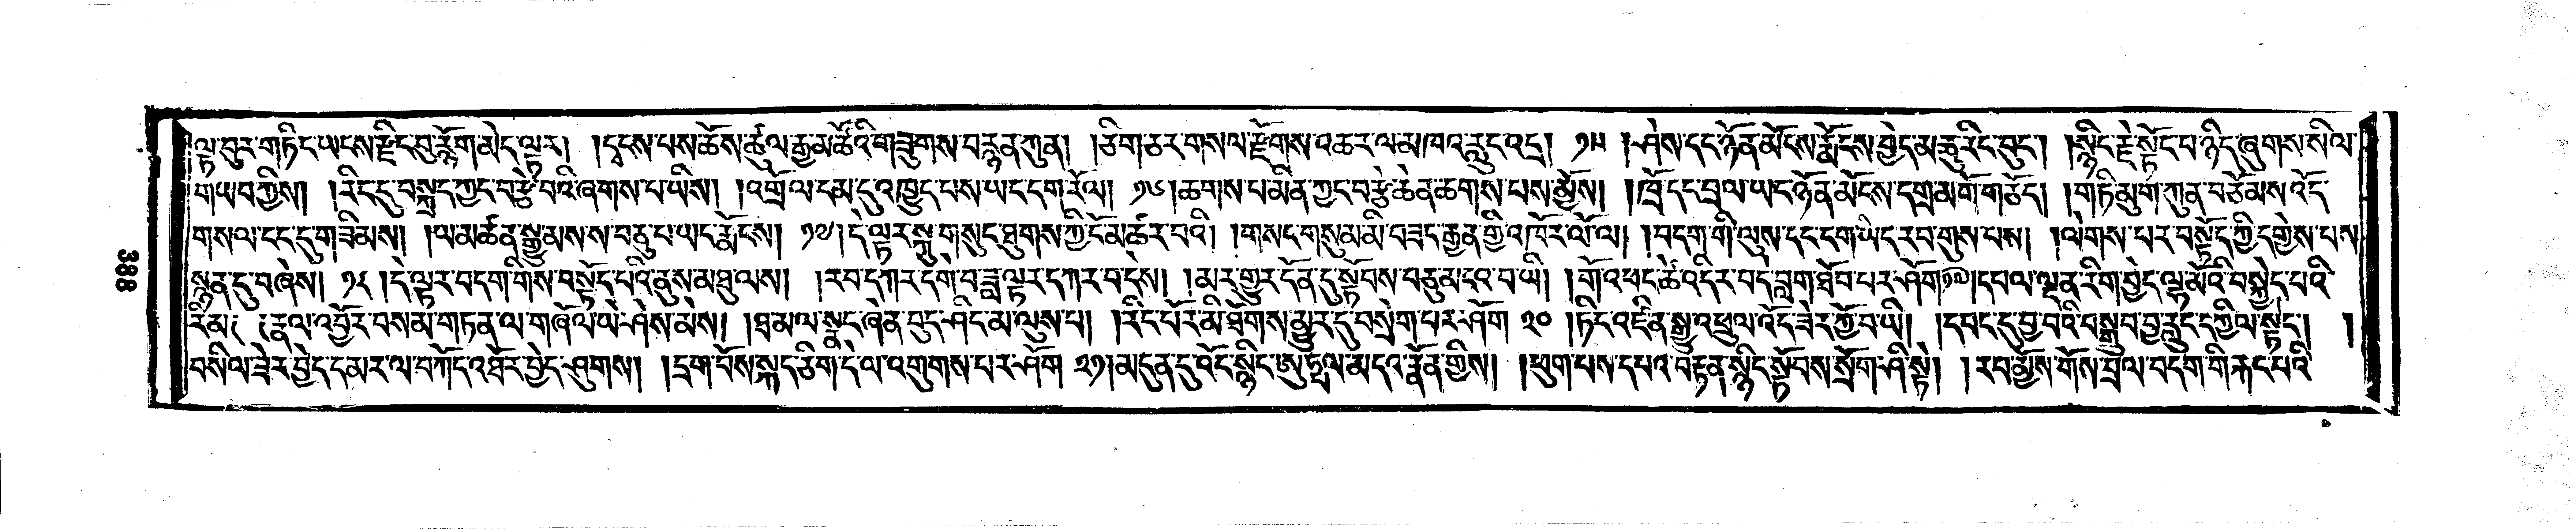ལྟ་བུར་གཏིང་ཡངས་རྫིང་བུ་རྙོག་མེད་ལྟར། །དྭངས་པས་ཆོས་ཚུལ་རྒྱ་མཚོའི་གཟུགས་བརྙན་ཀུན། །ཅིག་ཅར་གསལ་རྫོགས་འཆར་ལ་མཁའ་རླུང་འདྲ། ༡༥་།ཤེས་དང་ཉོན་མོངས་རྨོངས་བྱེད་མཆུ་རིང་བུང་། །སྙིང་རྗེ་སྟོང་པ་ཉིད་ཞུགས་སིལ་
གཡབ་ཀྱིས། །རིང་དུ་བསྐྲད་ཀྱང་བརྩེ་བའི་ཞགས་པ་ཡིས། །འགྲོལ་ངམ་དུ་འཁྱུད་པས་ཡང་དག་རོལ། ༡༦་།ཆགས་པ་མིན་ཀྱང་བརྩེ་ཆེན་ཆགས་པས་མྱོས། །ཁྲོ་དང་བྲལ་ཡང་ཉོན་མོངས་དགྲ་མགོ་གཅོད། །གཏི་མུག་ཀུན་བཅོམས་འོད་
གསལ་དང་དུ་གཟིམས། །ཡ་མཚན་སྒྱུམས་ས་བཅུ་པ་ཡང་རྨོངས། ༡༧་།དེ་ལྟར་སྐུ་གསུང་ཐུགས་ཀྱི་ངོ་མཚར་བའི། །གསང་གསུམ་མི་བཟང་རྒྱན་གྱི་འཁོར་ལོ་ལ། །བདག་གི་ལུས་དང་ངག་ཡིད་རབ་གུས་པས། །ལེགས་པར་བསྟོད་ཀྱི་དགྱེས་པས་
སྙན་དུ་བཞེས། ༡༨་།དེ་ལྟར་བདག་གིས་བསྟོད་པའི་ནུས་མཐུ་ལས། །རབ་དཀར་དགེ་བ་ཟླ་ལྟར་དཀར་བ་དེས། །མར་གྱུར་དོན་དུ་སྟོབས་བཅུ་མངའ་བ་ཡི། །གོ་འཕང་ཚེ་འདིར་བདེ་བླག་ཐོབ་པར་ཤོག ༡༩་།དཔལ་ལྡན་རིག་བྱེད་ལྷ་མོའི་བསྐྱེད་པའི་
རིམ༑༑རྣལ་འབྱོར་བསམ་གཏན་ལ་གཞོལ་ཡེ་ཤེས་མེས། །ཐ་མལ་སྣང་ཞེན་བུད་ཤིང་མ་ལུས་པ། །རིང་པོར་མི་ཐོགས་མྱུར་དུ་བསྲེག་པར་ཤོག། ༢༠་།ཏིང་འཛིན་སྒྱུ་འཕྲུལ་འོད་ཟེར་ཀྱོ་བ་ཡི། །དབང་དུ་བྱ་བའི་བསྒྲུབ་བྱ་རླུང་དཀྱིལ་སྟེང་། །
བསིལ་ཟེར་བྱེད་དམར་ལ་བཀོད་འཐོར་བྱེད་ཤུགས། །དྲག་པོས་སྐད་ཅིག་དེ་ལ་འགུགས་པར་ཤོག ༢༡་།མདུན་དུ་འོང་སྙིང་ཨུཏྤལ་མདའ་རྣོན་གྱིས། །ཕུག་པས་དཔའ་བརྟན་སྙིང་སྟོབས་སྲོག་ཤི་སྟེ། །རབ་མྱོས་གོས་བྲལ་བདག་གི་རྐང་པའི་